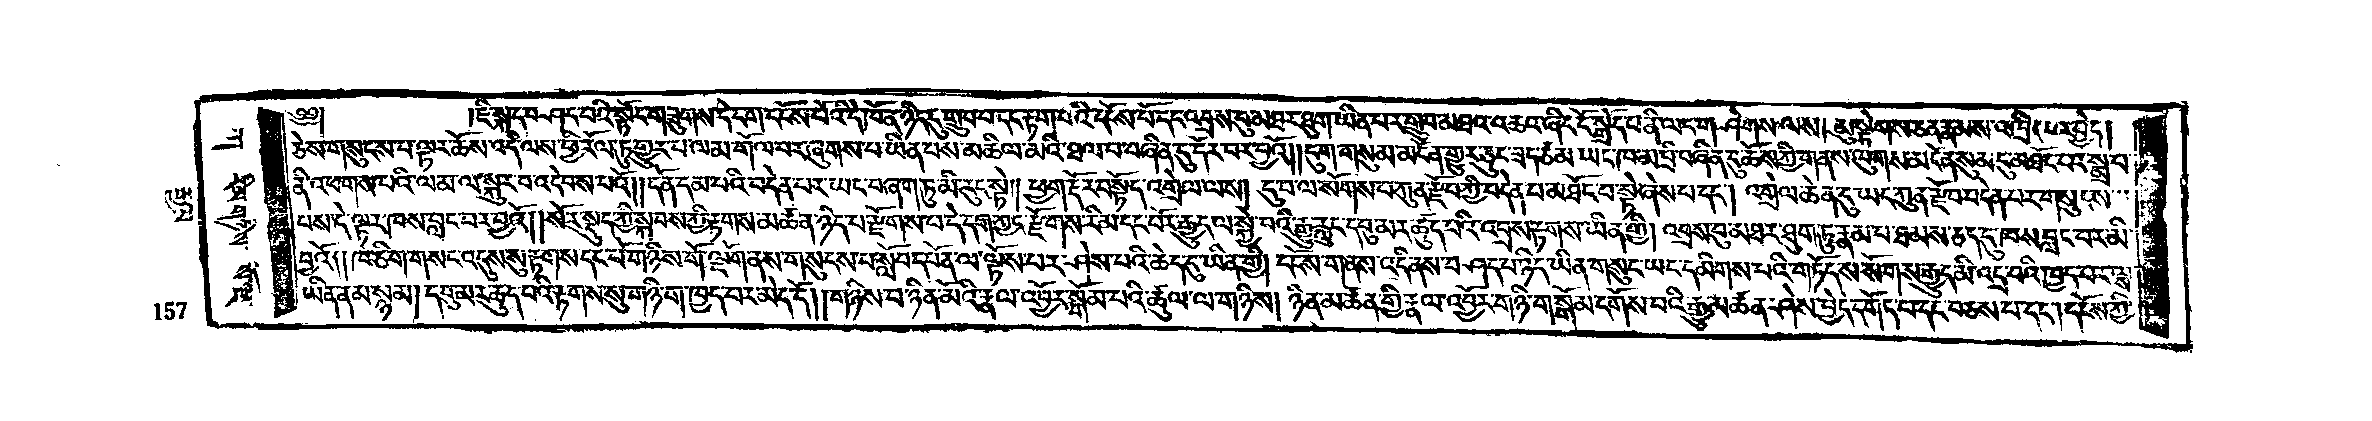༄༅། །ཇི་སྐད་བཤད་པའི་སྟོང་གཟུགས་དེ་དག་དངོས་པོའི་དེ་ཁོ་ན་ཉིད་དུ་གྲུབ་པ་དང་རྟག་པའི་དངོས་པོ་དང་འབྲས་བུ་མཐར་ཐུག་ཡིན་པར་གྲུབ་མཐའ་འཆའ་ཞིང་ངོ་སྒྲོད་པ་ནི་ལང་གཤེགས་ལས། མུ་སྟེགས་ཅན་རྣམས་འཁྲིད་པར་བྱེད།
ཅེས་གསུངས་པ་ལྟར་ཆོས་འདི་ལས་ཕྱི་རོལ་ཏུ་གྱུར་པ་ལམ?་གོལ་བར་ཞུགས་པ་ཡིན་པས་མཆིལ་མའི་ཐལ་པ་བཞིན་དུ་དོར་བར་བྱའོ། །དུག་གསུམ་མངོན་གྱུར་ཅུང་ཟད་ཙམ་ཡང་ཁ་མ་བྲི་བཞིན་དུ་ཆོས་ཀྱི་གནས་ལུགས་མངོན་སུམ་དུ་མཐོང་བར་སྨྲ་བ་
ནི་འཕགས་པའི་ལམ་ལ་སྐུར་བ་འདེབས་པའོ། །དོན་དམ་པའི་བདེན་པར་ཡང་བཞག་ཏུ་མི་རུང་སྟེ། །ཕྱག་རྡོར་བསྟོད་འགྲེལ་ལས། དུ་བ་ལ་སོགས་པ་ཀུན་རྫོབ་ཀྱི་བདེན་པ་མཐོང་བ་སྟེ་ཞེས་པ་དང་། འགྲེལ་ཆེན་དུ་ཡང་ཀུན་རྫོབ་བདེན་པ་པར་གསུངས་
པས་དེ་ལྟར་ཁས་བླང་པར་བྱའོ། །སོར་སྡུད་ཀྱི་སྐབས་ཀྱི་རྟགས་མཚན་ཉིད་པ་རྫོགས་པ་དེ་དག་ཀྱང་རྫོགས་རིམ་དང་པོར་རྒྱུད་ལ་སྐྱེ་བའི་རྒྱུ་རླུང་དབུ་མར་ཚུད་པའི་འབྲས་རྟགས་ཡིན་གྱི། འབྲས་བུ་མཐར་ཐུག་ཏུ་རྣམ་པ་ཐམས་ཅད་དུ་ཁས་བླང་པར་མི་
བྱའོ། །ཁ་ཅིག་གསང་འདུས་སུ་རྟགས་དང་པོ་གཉིས་གོ་ལྡོག་ནས་གསུངས་པ་སློབ་དཔོན་ལ་ལྟོས་པར་ཤེས་པའི་ཆེད་དུ་ཡིན་གྱི། དངོས་གནས་འདི་ནས་བཤད་པ་ཉིད་ཡིན་གསུང་ཡང་དམིགས་པའི་གཏོད་ས་སོགས་རྒྱུད་མི་འདྲ་བའི་ཁྱད་པར་ལས་
ཡིན་ནམ་སྙམ། དབུ་མར་ཆུད་པའི་རྟགས་སུ་གཉི་ག་ཁྱད་པར་མེད་དོ། །གཉིས་པ་ཉིན་མོའི་རྣལ་འབྱོར་སྒོམ་པའི་ཚུལ་ལ་གཉིས། ཉིན་མཚན་གྱི་རྣལ་འབྱོར་གཉི་ག་སྒོམ་དགོས་པའི་རྒྱུ་མཚན་ཤེས་བྱེད་དགོད་པ་དང་བཅས་པ་དང་། དངོས་ཀྱི་